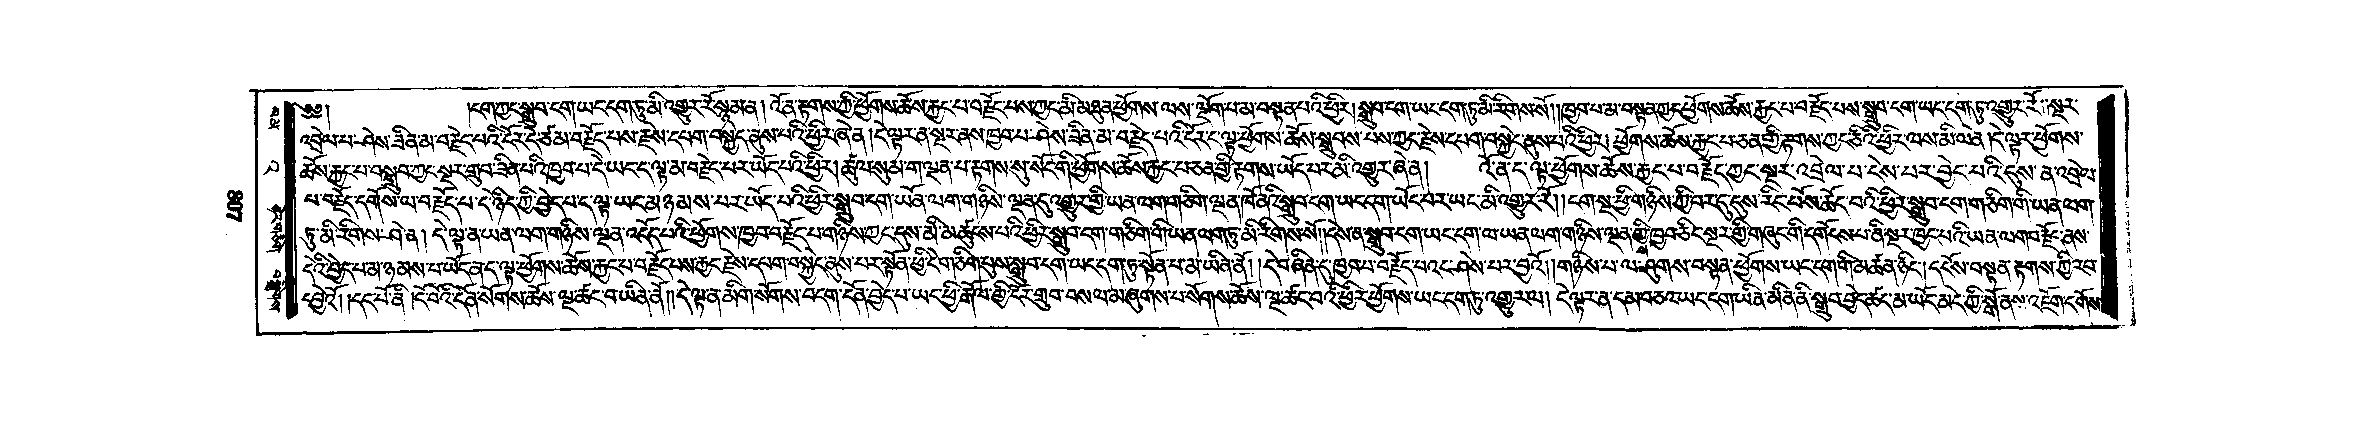༄༅། །ངག་ཀྱང་སྒྲུབ་ངག་ཡང་དག་ཏུ་མི་འགྱུར་རོ་སྙམ་ན། འོ་ན་རྟགས་ཀྱི་ཕྱོགས་ཆོས་རྐྱང་པ་བརྗོད་པས་ཀྱང་མི་མཐུན་ཕྱོགས་ལས་ལྡོག་པ་མ་བསྟན་པའི་ཕྱིར། སྒྲུབ་ངག་ཡང་དག་ཏུ་མི་རིགས་སོ། །ཁྱབ་པ་མ་བསྟན་ཀྱང་ཕྱོགས་ཆོས་རྐྱང་པ་བརྗོད་པས་སྒྲུབ་ངག་ཡང་དག་ཏུ་འགྱུར་རོ། །སྔར་
འབྲེལ་པ་ཤེས་ཟིན་མ་བརྗེད་པའི་ངོར་དེ་ཙམ་བརྗོད་པས་རྗེས་དཔག་བསྐྱེད་ནུས་པའི་ཕྱིར་ཞེ་ན། དེ་ལྟར་ན་སྔར་ནས་ཁྱབ་པ་ཤེས་ཟིན་མ་བརྗེད་པའི་ངོར་ད་ལྟ་ཕྱོགས་ཆོས་སྒྲུབས་པས་ཀྱང་རྗེས་དཔག་བསྐྱེད་ནུས་པའི་ཕྱིར། ཕྱོགས་ཆོས་རྐྱང་པ་ཅན་གྱི་རྟགས་ཀྱང་ཅིའི་ཕྱིར་ལས་མི་ལེན། དེ་ལྟར་ཕྱོགས་
ཆོས་རྐྱང་པ་བསྒྲུབ་ཀྱང་སྔར་གྲུབ་ཟིན་པའི་ཁྱབ་པ་དེ་ཡང་ད་ལྟ་མ་བརྗེད་པར་ཡོད་པའི་ཕྱིར། ཚུལ་སུམ་ག་ལྡན་པ་རྟགས་སུ་སོང་གི་ཕྱོགས་ཆོས་རྐྱང་པ་ཅན་གྱི་རྟགས་ཡོད་པར་མི་འགྱུར་ཞེ་ན། འོ་ན་ད་ལྟ་ཕྱོགས་ཆོས་རྐྱང་པ་བརྗོད་ཀྱང་སྔར་འབྲེལ་པ་ངེས་པར་བྱེད་པའི་དུས་ན་འབྲེལ་
པ་བརྗོད་དགོས་ལ་བརྗོད་པ་དེ་ཉིད་ཀྱི་བྱེད་པ་ད་ལྟ་ཡང་མཉམས་པར་ཡོད་པའི་ཕྱིར་སྒྲུབ་དག་ཡོན་ལག་གཉིས་ལྡན་དུ་འགྱུར་གྱི་ཡན་ལག་གཅིག་ལྡན་ཁོ་ནའི་སྒྲུབ་ངག་ཡང་དག་ཡོང་པར་ཡང་མི་འགྱུར་རོ། །ངག་སྔ་ཕྱི་གཉིས་ཀྱི་བར་དུ་དུས་རིང་པོས་ཆོད་པའི་ཕྱིར་སྒྲུབ་ངག་གཅིག་གི་ཡན་ལག་
ཏུ་མི་རིགས་ཤེ་ན། དེ་ལྟ་ན་ཡན་ལག་གཉིས་ལྡན་འདོད་པའི་ཕྱོགས་ཁྱབ་བརྗོད་པ་གཉིས་ཀྱང་དུས་མི་མཚུངས་པའི་ཕྱིར་སྒྲུབ་དག་གཅིག་གི་ཡན་ལག་ཏུ་མི་རིགས་སོ། །དེས་ན་སྒྲུབ་ངག་ཡང་དག་ལ་ཡན་ལག་གཉིས་ལྡན་གྱིས་ཁྱབ་ཅིང་སྔར་གྱི་གཞུང་གི་དགོངས་པ་ནི་སྔར་ཁྱད་པའི་ཡན་ལག་བརྗོད་ནས་
དེའི་བྱེད་པ་མ་ཉམས་པ་ཡོད་ན་ད་ལྟ་ཕྱོགས་ཆོས་རྐྱང་པ་བརྗོད་པས་རྐྱང་རྗེས་དཔག་བསྐྱེད་ནུས་པར་སྟོན་ཕྱི་དེ་གཅིག་པུས་སྒྲུབ་ངག་ཡང་དག་ཏུ་སྟོན་པ་མ་ཡིན་ནོ། །དེ་བཞིན་དུ་ཁྱབ་པ་བརྗོད་པའང་ཤེས་པར་བྱའོ། །གཉིས་པ་ལ་ཤུགས་བསྟན་ཕྱོགས་ཡང་དག་གི་མཚན་ཉིད། དངོས་བསྟན་རྟགས་ཀྱི་རབ་
དབྱེའོ། །དང་པོ་ནི། ངོ་བོའི་དོན་སོགས་ཆོས་ལྔ་ཚང་བ་ཡིན་ནོ། །དེ་ལྟ་ན་མིག་སོགས་བདག་དོན་བྱེད་པ་ཡང་ཕྱི་རྒོལ་གྱི་ངོར་གྲུབ་བསལ་མ་ཞུགས་པ་སོགས་ཆོས་ལྔ་ཚང་བའི་ཕྱིར་ཕྱོགས་ཡང་དག་ཏུ་འགྱུར་ལ། དེ་ལྟར་ན་དམ་བཅའ་ཡང་དག་ཡིན་མིན་ནི་སྒྲུབ་བྱེད་ཚད་མ་ཡོད་མེད་ཀྱི་སྒོ་ནས་འཇོག་དགོས་